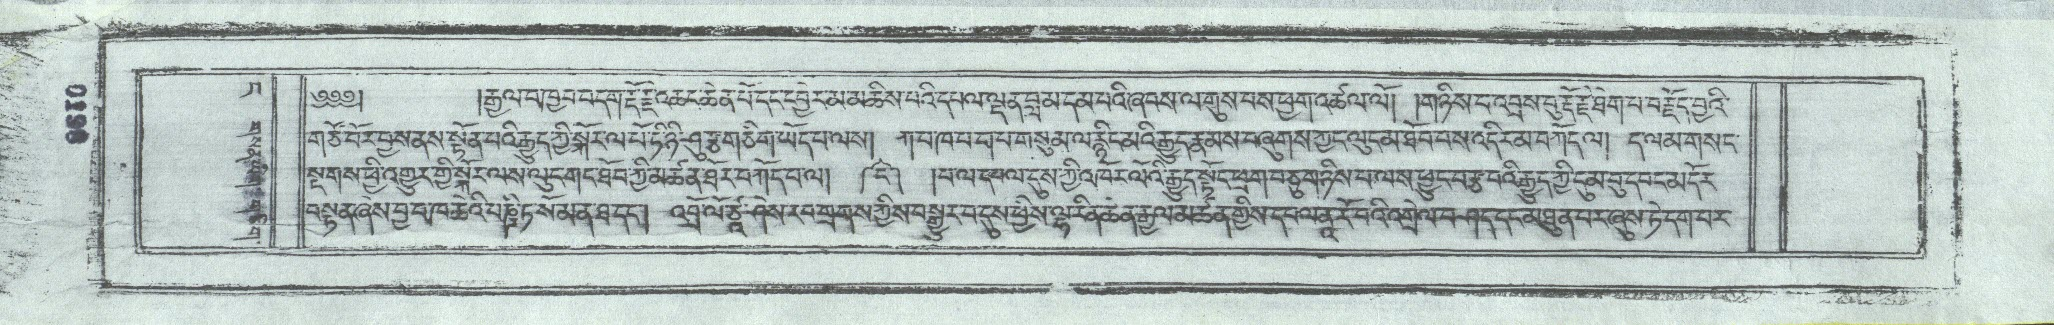༄༅༅། །རྒྱལ་བ་ཁྱབ་བདག་རྡོ་རྗེ་འཆད་ཆེན་པོ་དང་དབྱེར་མ་མཆིས་པའི་དཔལ་ལྡན་བླ་མ་དམ་པའི་ཞབས་ལ་གུས་པས་ཕྱག་འཚལ་ལོ། །གཉིས་པ་འབྲས་བུ་རྡོ་རྗེ་ཐེག་པ་བརྗོད་བྱའི་
གཙོ་བོར་བྱས་ནས་སྟོན་པའི་རྒྱུད་ཀྱི་སྐོར་ལ་པོ་ཏི་ཉི་ཤུ་རྩ་གཅིག་ཡོད་པ་ལས། ཀ་པ་ཁ་པ་ག་པ་གསུམ་ལ་རྙིད་མའི་རྒྱུད་རྣམས་བཞུགས་ཀྱང་ལུང་མ་ཐོབ་པས་འདིར་མ་བཀོད་ལ། ད་ལམ་གསང་
སྔགས་ཕྱི་འགྱུར་གྱི་སྐོར་ལས་ལུང་གང་ཐོབ་ཀྱི་མཚན་ཐོར་བཀོད་པ་ལ། {ང}་།བལ་དཔལ་དུས་ཀྱི་འཁོར་ལོའི་རྒྱུད་སྟོང་ཕྲག་བཅུ་གཉིས་པ་ལས་ཕྱུང་བ་རྩ་བའི་རྒྱུད་ཀྱི་དུམ་བུ་དབང་མདོར་
བསྟན་ཞེས་བྱ་བ་ཁ་ཆེའི་པཎྜི་ཏ་སོ་མ་ན་ཐ་དང་། འབྲོ་ལོ་ཙཱ་ཤེས་རབ་གྲགས་ཀྱིས་བསྒྱུར་བ་དུས་ཕྱིས་ལྷ་རིན་ཆེན་རྒྱལ་མཚན་གྱིས་དཔལ་ནཱ་རོ་བའི་འགྲེལ་བཤད་དང་མཐུན་པར་ཞུས་ཏེ་དག་པར་